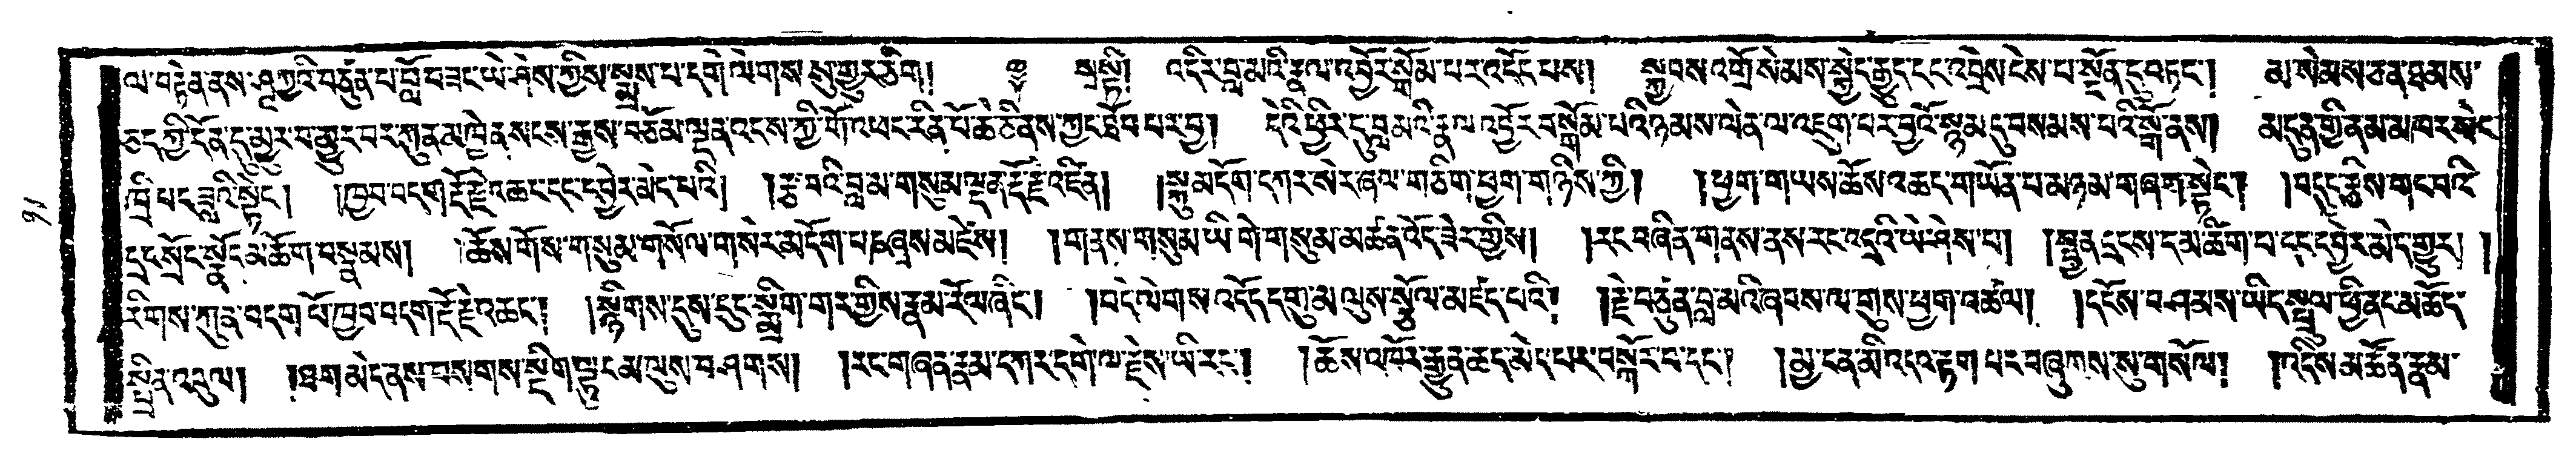ལ་བརྟེན་ནས་ཤཱཀྱའི་བཙུན་པ་བློ་བཟང་ཡེ་ཤེས་ཀྱིས་སྨྲས་པ་དགེ་ལེགས་སུ་གྱུར་ཅིག། ༈ སྭསྟི། འདིར་བླ་མའི་རྣལ་འབྱོར་སྒོམ་པར་འདོད་པས། སྐྱབས་འགྲོ་སེམས་སྐྱེད་རྒྱུད་དང་འབྲེས་ངེས་པ་སྔོན་དུ་བཏང་། མ་སེམས་ཅན་ཐམས་
ཅད་ཀྱི་དོན་དུ་མྱུར་བ་མྱུར་བར་ཀུན་མཁྱེན་སངས་རྒྱས་བཅོམ་ལྡན་འདས་ཀྱི་གོ་འཕང་རིན་པོ་ཆེ་ཅི་ནས་ཀྱང་ཐོབ་པར་བྱ། དེའི་ཕྱིར་དུ་བླ་མའི་རྣལ་འབྱོར་བསྒོམ་པའི་ཉམས་ལེན་ལ་འཇུག་པར་བྱའོ་སྙམ་དུ་བསམས་པའི་སྒོ་ནས། མདུན་གྱི་ནམ་མཁར་སེང་
ཁྲི་པད་ཟླའི་སྟེང་། །ཁྱབ་བདག་རྡོ་རྗེ་འཆང་དང་དབྱེར་མེད་པའི། །རྩ་བའི་བླ་མ་གསུམ་ལྡན་རྡོ་རྗེ་འཛིན། །སྐུ་མདོག་དཀར་སེར་ཞལ་གཅིག་ཕྱག་གཉིས་ཀྱི། །ཕྱག་གཡས་ཆོས་འཆད་གཡོན་པ་མཉམ་གཞག་སྟེང་། །བདུད་རྩིས་གང་བའི་
དྲང་སྲོང་སྣོད་མཆོག་བསྣམས། །ཆོས་གོས་གསུམ་གསོལ་གསེར་མདོག་པཎ་ཞྭས་མཛེས། །གནས་གསུམ་ཡི་གེ་གསུམ་མཚན་འོད་ཟེར་གྱིས། །རང་བཞིན་གནས་ནས་རང་འདྲའི་ཡེ་ཤེས་པ། །སྤྱན་དྲངས་དམ་ཚིག་པ་དང་དབྱེར་མེད་གྱུར།།
རིགས་ཀུན་བདག་པོ་ཁྱབ་བདག་རྡོ་རྗེ་འཆང་། །སྙིགས་དུས་དུང་སྨྲིག་གར་གྱིས་རྣམ་རོལ་ཞིང་། །བདེ་ལེགས་འདོད་དགུ་མ་ལུས་སྩོལ་མཛད་པའི། །རྗེ་བཙུན་བླ་མའི་ཞབས་ལ་གུས་ཕྱག་འཚལ། །དངོས་བཤམས་ཡིད་སྤྲུལ་ཕྱི་ནང་མཆོད་
སྤྲིན་འབུལ། །ཐག་མེད་ནས་བསགས་སྡིག་ལྟུང་མ་ལུས་བཤགས། །རང་གཞན་རྣམ་དཀར་དགེ་ལ་རྗེས་ཡི་རང་། །ཆོས་འཁོར་རྒྱུན་ཆད་མེད་པར་བསྐོར་བ་དང་། །མྱ་ངན་མི་འདའ་རྟག་པར་བཞུགས་སུ་གསོལ། །འདིས་མཚོན་རྣམ་